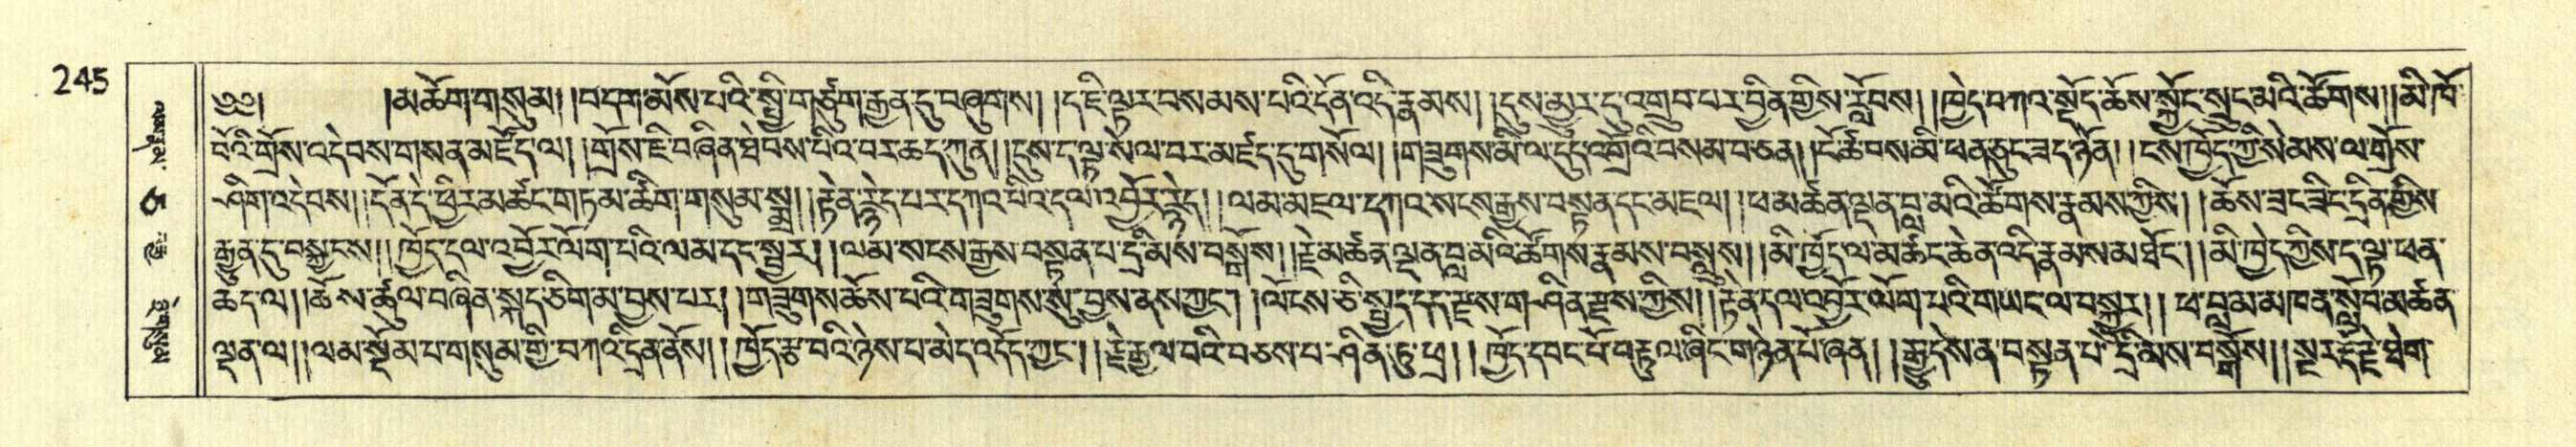༄༅། །མཆོག་གསུམ། །བདག་མོས་པའི་སྤྱི་གཙུག་རྒྱན་དུ་བཞུགས། །ད་ཇི་ལྟར་བསམས་པའི་དོན་འདི་རྣམས། །དུས་མྱུར་དུ་འགྲུབ་པར་བྱིན་གྱིས་རློབས། །ཁྱེད་བཀའ་སྡོད་ཆོས་སྐྱོང་སྲུང་མའི་ཚོགས། །མི་ཁོ་
བོའི་གྲོས་འདེབས་གསན་མཛོད་ལ། །གྲོས་ཇི་བཞིན་ཐེབས་པའི་བར་ཆད་ཀུན། །དུས་ད་ལྟ་སེལ་བར་མཛད་དུ་གསོལ། །གཟུགས་མི་ལ་དུད་འགྲོའི་བསམ་བ་ཅན། །ངོ་ཚ་བས་མི་ཕན་ཅུང་ཟད་ཉོན། །ངས་ཁྱེད་ཀྱི་སེམས་ལ་གྲོས་
ཤིག་འདེབས། །དོན་དེ་ཕྱིར་མཚང་གཏམ་ཚིག་གསུམ་སྨྲ། །རྟེན་རྙེད་པར་དཀའ་པའི་དལ་འབྱོར་རྙེད། །ལམ་མཇལ་དཀའ་སངས་རྒྱས་བསྟན་དང་མཇལ། །ཕ་མཚན་ལྡན་བླ་མའི་ཚོགས་རྣམས་ཀྱིས། །ཆོས་ཟང་ཟིང་དྲིན་གྱིས་
རྒྱུན་དུ་བསྐྱངས། །ཁྱོད་དལ་འབྱོར་ལོག་པའི་ལམ་དང་སྦྱར། །ལམ་སངས་རྒྱས་བསྟན་པ་དྲི་མས་བསྒོས། །རྗེ་མཚན་ལྡན་བླ་མའི་ཚོགས་རྣམས་བསླུས། །མི་ཁྱོད་ལ་མཚང་ཆེན་འདི་རྣམས་མཐོང་། །མི་ཁྱེད་ཀྱིས་ད་ལྟ་ཕན་
ཆད་ལ། །ཆོས་ཚུལ་བཞིན་སྐད་ཅིག་མ་བྱས་པར། །གཟུགས་ཆོས་པའི་གཟུགས་སུ་བྱས་ནས་ཀྱང་། །ལོངས་ཅི་སྤྱད་དད་རྫས་གཤིན་རྫས་ཀྱིས། །རྟེན་དལ་འབྱོར་ལོག་པའི་གཡང་ལ་བསྐྱུར། །ཕ་བླ་མ་མཁན་སློབ་མཚན་
ལྡན་ལ། །ལམ་སྡོམ་པ་གསུམ་གྱི་བཀའ་དྲིན་ནོས། །ཁྱོད་རྩ་བའི་ཉེས་པ་མེད་འདོད་ཀྱང་། །རྗེ་རྒྱལ་བའི་བཅས་པ་ཤིན་ཏུ་ཕྲ། །ཁྱོད་དབང་པོ་བརྟུལ་ཞིང་གཉེན་པོ་ཞན། །རྒྱུ་དེས་ན་བསྟན་པ་དྲི་མས་བསྒོས། །སྔར་རྡོ་རྗེ་ཐེག་